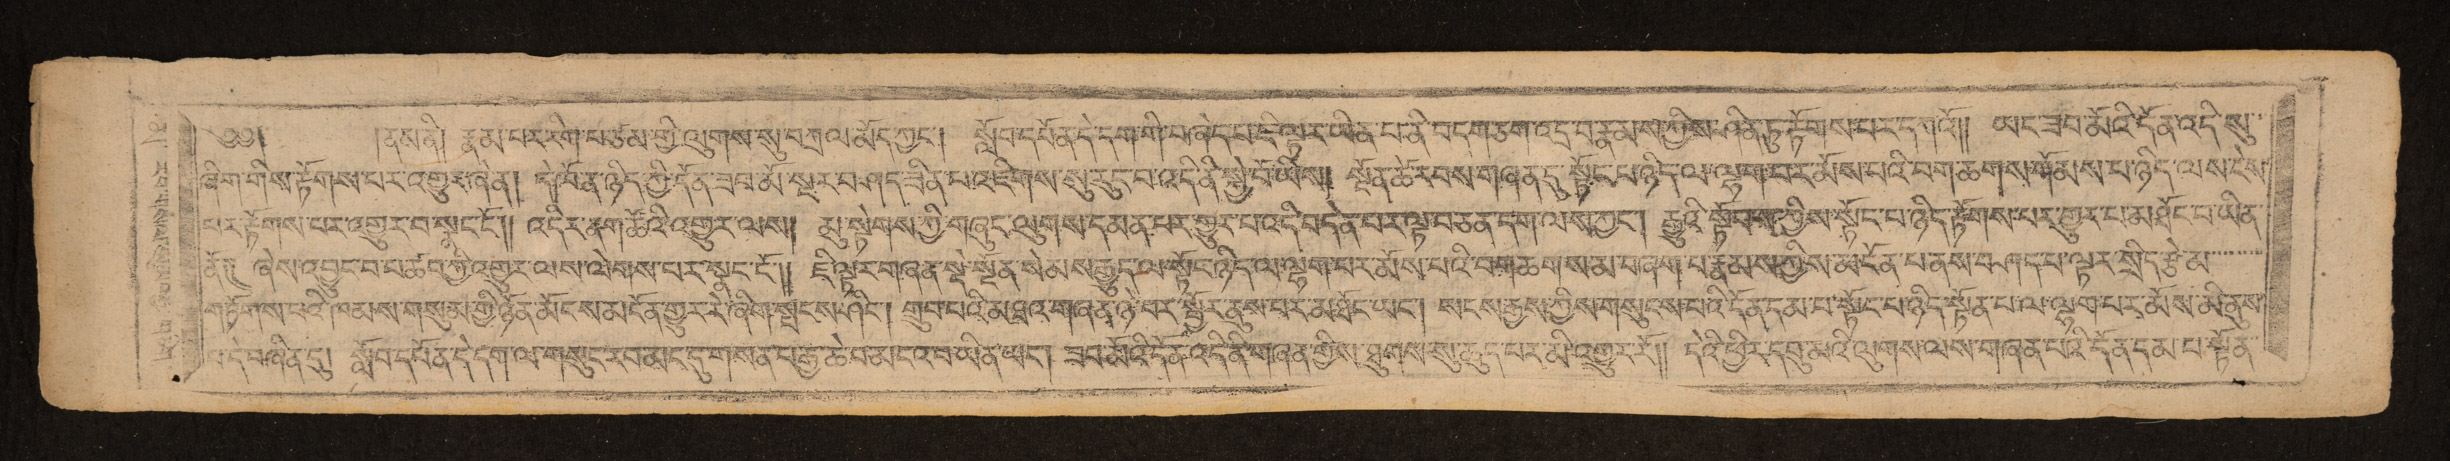༄༅། །ནས་ནི། རྣམ་པར་རིག་པ་ཙམ་གྱི་ལུགས་སུ་བཀྲལ་མོད་ཀྱང་། སློབ་དཔོན་དེ་དག་གི་བཞེད་པ་ཇི་ལྟར་ཡིན་པ་ནི་བདག་ཅག་འདྲ་བ་རྣམས་ཀྱིས་ཤིན་ཏུ་རྟོགས་པར་དཀའོ།། ཡང་ཟབ་མོའི་དོན་འདི་སུ་
ཞིག་གིས་རྟོགས་པར་འགྱུར་ཞེ་ན། དེ་ཁོ་ན་ཉིད་ཀྱི་དོན་ཟབ་མོ་སྔར་བཤད་ཟིན་པ་འཇིགས་སུ་རུང་བ་འདི་ནི་སྐྱེ་བོ་ཡིས། སྔོན་ཚེ་རབས་གཞན་དུ་སྟོང་པ་ཉིད་ལ་ལྷག་པར་མོས་པའི་བག་ཆགས་གོམས་པ་ཉིད་ལས་ངེས་
པར་རྟོགས་པར་འགྱུར་བ་སྣང་ངོ།། འདིར་ནག་ཚོའི་འགྱུར་ལས། མུ་སྟེགས་ཀྱི་གཞུང་ལུགས་དམན་པར་གྱུར་པ་འདི་བདེན་པར་ལྟ་བ་ཅན་དག་ལས་ཀྱང་། རྒྱུའི་སྟོབས་ཀྱིས་སྟོང་པ་ཉིད་རྟོགས་པར་གྱུར་པ་མཐོང་བ་ཡིན་
ནོ༑༑ ཞེས་འབྱུང་བ་པ་ཚབ་ཀྱི་འགྱུར་ལས་ལེགས་པར་སྣང་ངོ།། ཇི་ལྟར་གཞན་སྡེ་སྔོན་སེམས་རྒྱུད་ལ་སྟོང་ཉིད་ལ་ལྷག་པར་མོས་པའི་བག་ཆགས་མ་བཞག་པ་རྣམས་ཀྱིས་མངོན་པ་ནས་བཤད་པ་ལྟར་སྲིད་རྩེ་མ་
གཏོགས་པའི་ཁམས་གསུམ་གྱི་ཉོན་མོངས་མངོན་གྱུར་རེ་ཞིག་སྤངས་ཤིང་། གྲུབ་པའི་མཐའ་གཞན་ཉེ་བར་སྦྱོར་ནུས་པར་མཐོང་ཡང་། སངས་རྒྱས་ཀྱིས་གསུངས་པའི་དོན་དམ་པ་སྟོང་པ་ཉིད་སྟོན་པ་ལ་ལྷག་པར་མོས་མི་ནུས་
པ་དེ་བཞིན་དུ། སློབ་དཔོན་དེ་དག་ལ་གསུང་རབ་མང་དུ་གསན་པ་རྒྱ་ཆེ་པ་མངའ་བ་ཡིན་ཡང་། ཟབ་མོའི་དོན་འདི་ནི་གཞན་གྱིས་ཐུགས་སུ་ཆུད་པར་མི་འགྱུར་རོ།། དེའི་ཕྱིར་དབུ་མའི་ལུགས་ལས་གཞན་པའི་དོན་དམ་པ་སྟོན་